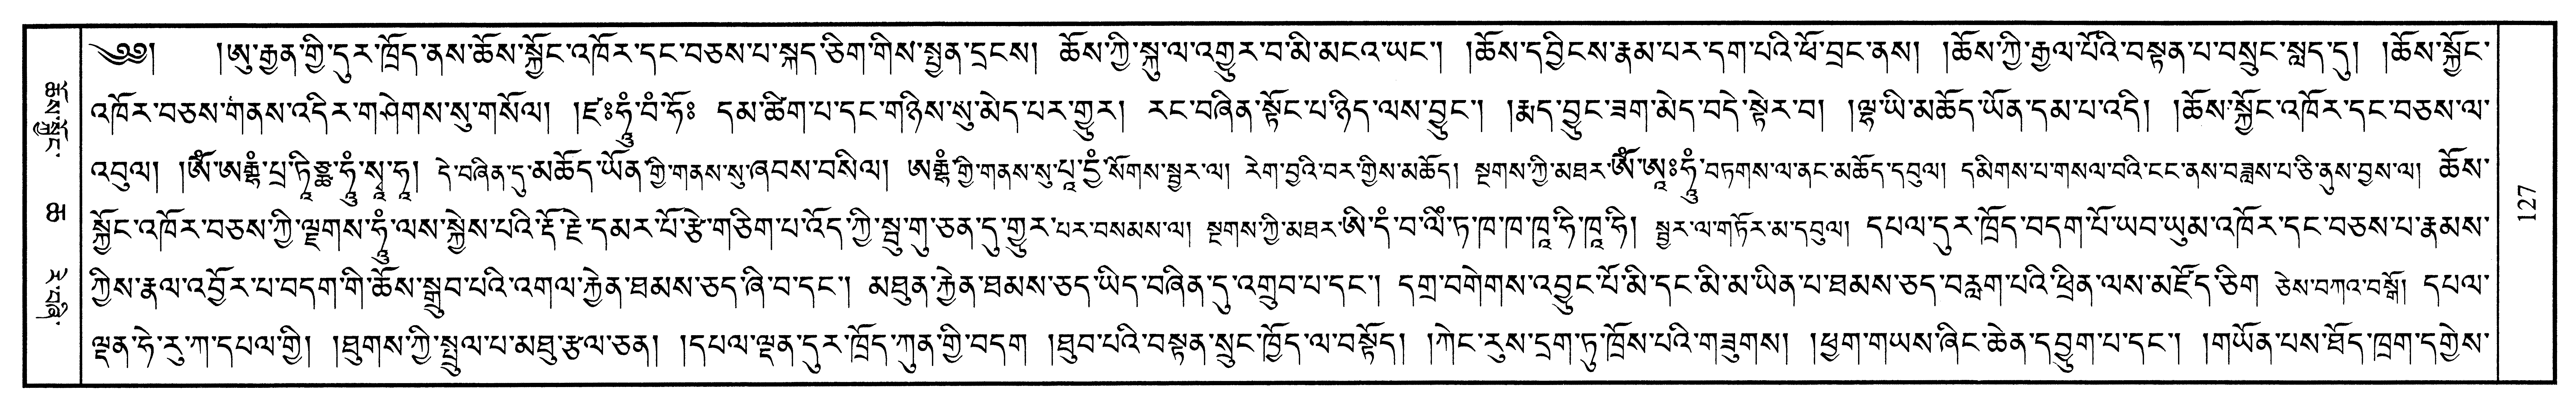༄༅། །ཨུ་རྒྱན་གྱི་དུར་ཁྲོད་ནས་ཆོས་སྐྱོང་འཁོར་དང་བཅས་པ་སྐད་ཅིག་གིས་སྤྱན་དྲངས། ཆོས་ཀྱི་སྐུ་ལ་འགྱུར་བ་མི་མངའ་ཡང་། །ཆོས་དབྱིངས་རྣམ་པར་དག་པའི་ཕོ་བྲང་ནས། །ཆོས་ཀྱི་རྒྱལ་པོའི་བསྟན་པ་བསྲུང་སླད་དུ། །ཆོས་སྐྱོང་
འཁོར་བཅས་གནས་འདིར་གཤེགས་སུ་གསོལ། །ཛཿ ཧཱུཾ་བཾ་ཧོཿ དམ་ཚིག་པ་དང་གཉིས་སུ་མེད་པར་གྱུར། རང་བཞིན་སྟོང་པ་ཉིད་ལས་བྱུང་། །རྨད་བྱུང་ཟག་མེད་བདེ་སྟེར་བ། །ལྷ་ཡི་མཆོད་ཡོན་དམ་པ་འདི། །ཆོས་སྐྱོང་འཁོར་དང་བཅས་ལ་
འབུལ། །ཨོཾ་ཨརྒྷཾ་པྲ་ཏཱི་ཙྪ་ཧཱུཾ་སྭཱ་ཧཱ། དེ་བཞིན་དུ་མཆོད་ཡོན་གྱི་གནས་སུ་ཞབས་བསིལ། ཨརྒྷཾ་གྱི་གནས་སུ་པཱ་དྱཾ་སོགས་སྦྱར་ལ། རེག་བྱའི་བར་གྱིས་མཆོད། སྔགས་ཀྱི་མཐར་ཨོཾ་ཨཱཿ ཧཱུཾ་བཏགས་ལ་ནང་མཆོད་དབུལ། དམིགས་པ་གསལ་བའི་ངང་ནས་བཟླས་པ་ཅི་ནུས་བྱས་ལ། ཆོས་
སྐྱོང་འཁོར་བཅས་ཀྱི་ལྗགས་ཧཱུཾ་ལས་སྐྱེས་པའི་རྡོ་རྗེ་དམར་པོ་རྩེ་གཅིག་པ་འོད་ཀྱི་སྦུ་གུ་ཅན་དུ་གྱུར་པར་བསམས་ལ། སྔགས་ཀྱི་མཐར་ཨི་དཾ་བ་ལིཾ་ཏ་ཁ་ཁ་ཁཱ་ཧི་ཁཱ་ཧི། སྦྱར་ལ་གཏོར་མ་དབུལ། དཔལ་དུར་ཁྲོད་བདག་པོ་ཡབ་ཡུམ་འཁོར་དང་བཅས་པ་རྣམས་
ཀྱིས་རྣལ་འབྱོར་པ་བདག་གི་ཆོས་སྒྲུབ་པའི་འགལ་རྐྱེན་ཐམས་ཅད་ཞི་བ་དང་། མཐུན་རྐྱེན་ཐམས་ཅད་ཡིད་བཞིན་དུ་འགྲུབ་པ་དང་། དགྲ་བགེགས་འབྱུང་པོ་མི་དང་མི་མ་ཡིན་པ་ཐམས་ཅད་བརླག་པའི་ཕྲིན་ལས་མཛོད་ཅིག །ཅེས་བཀའ་བསྒོ། དཔལ་
ལྡན་ཧེ་རུ་ཀ་དཔལ་གྱི། །ཐུགས་ཀྱི་སྤྲུལ་པ་མཐུ་རྩལ་ཅན། །དཔལ་ལྡན་དུར་ཁྲོད་ཀུན་གྱི་བདག །ཐུབ་པའི་བསྟན་སྲུང་ཁྱོད་ལ་བསྟོད། །ཀེང་རུས་དྲག་ཏུ་ཁྲོས་པའི་གཟུགས། །ཕྱག་གཡས་ཞིང་ཆེན་དབྱུག་པ་དང་། །གཡོན་པས་ཐོད་ཁྲག་དགྱེས་